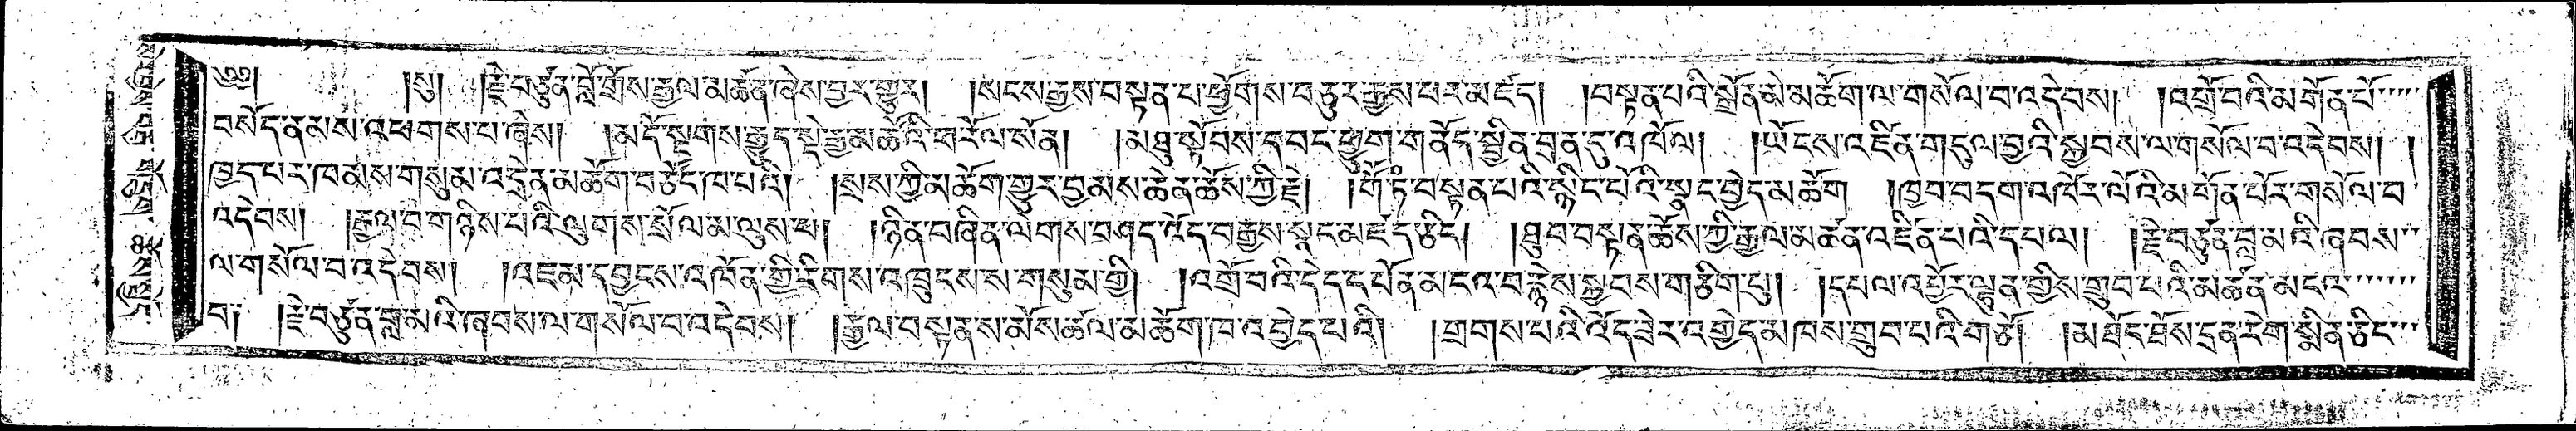༄༅། །སུ། །རྗེ་བཙུན་བློ་གྲོས་རྒྱལ་མཚན་ཞེས་བྱར་གྱུར། །སངས་རྒྱས་བསྟན་པ་ཕྱོགས་བཅུར་རྒྱས་པར་མཛད། །བསྟན་པའི་སྒྲོན་མེ་མཆོག་ལ་གསོལ་བ་འདེབས། །འགྲོ་བའི་མགོན་པོ་
བསོད་ནམས་འཕགས་པ་ཞེས། །མདོ་སྔགས་རྒྱུད་སྡེ་རྒྱ་མཚོའི་ཕ་རོལ་སོན། །མཐུ་སྟོབས་དབང་ཕྱུག་གནོད་སྦྱིན་བྲན་དུ་འཁོལ། །ཡོངས་འཛིན་གདུལ་བྱའི་སྐྱབས་ལ་གསོལ་བ་འདེབས། །
ཁྱད་པར་ཁམས་གསུམ་འདྲེན་མཆོག་བཙོང་ཁ་པའི། །སྲས་ཀྱི་མཆོག་གྱུར་བྱམས་ཆེན་ཆོས་ཀྱི་རྗེ། །གཽ་ཏཾ་བསྟན་པའི་སྙིང་པོའི་སྣང་བྱེད་མཆོག །ཁྱབ་བདག་འཁོར་ལོའི་མགོན་པོར་གསོལ་བ་
འདེབས། །རྒྱལ་བ་གཉིས་པའི་ལུགས་སྲོལ་མ་ལུས་པ། །ཉིན་བཞིན་ལགས་བཤད་འོད་བརྒྱས་སྣང་མཛད་ཅིང་། །ཐུབ་བསྟན་ཆོས་ཀྱི་རྒྱལ་མཚན་འཛིན་པའི་དཔལ། །རྗེ་བཙུན་བླ་མའི་ཞབས་
ལ་གསོལ་བ་འདེབས། །འཇམ་དབྱངས་འཁོན་གྱི་རིགས་འཁྲུངས་ས་གསུམ་གྱི། །འགྲོ་བའི་དེད་དཔོན་མངའ་བརྙེས་སྐྱབས་གཅིག་པུ། །དཔལ་འབྱོར་ལྷུན་གྱིས་གྲུབ་པའི་མཚན་མངའ་
བ། །རྗེ་བཙུན་བླ་མའི་ཞབས་ལ་གསོལ་བ་འདེབས། །རྒྱལ་བསྟན་ས་མོས་ཚལ་མཆོག་ཁ་འབྱེད་པའི། །གྲགས་པའི་འོད་ཟེར་འགྱེད་མཁས་གྲུབ་པའི་གཙོ། །མཐོང་ཐོས་དྲན་རེག་སྨིན་ཅིང་